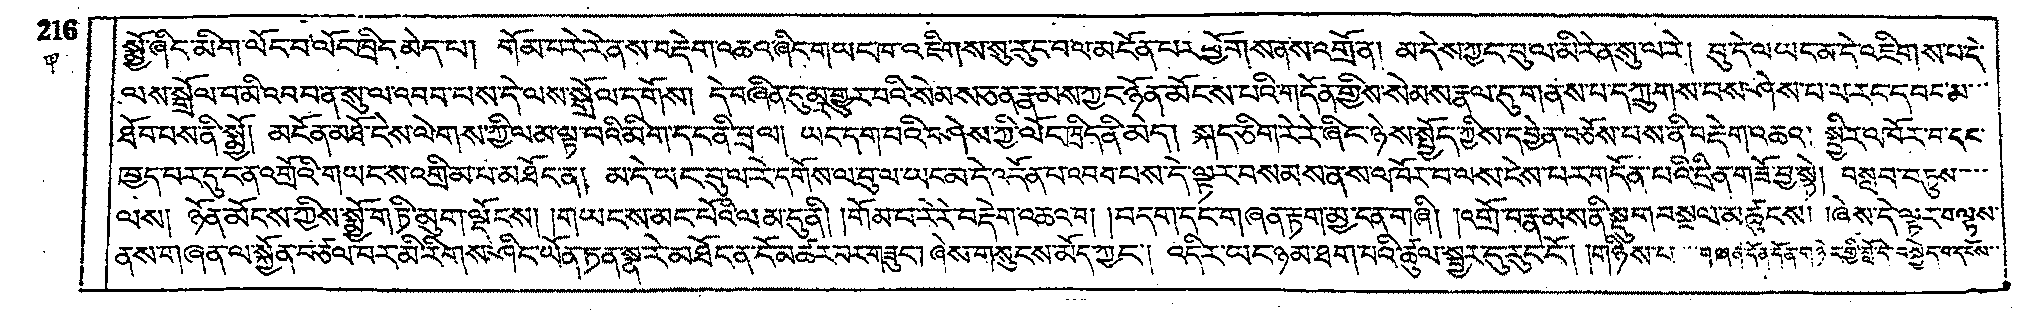སྨྱོ་ཞིང་མིག་ལོང་བ་ལོང་ཁྲིད་མེད་པ། གོམ་པ་རེ་རེ་ནས་བརྡེག་འཆའ་ཞིང་གཡང་ཁ་འཇིགས་སུ་རུང་བ་ལ་མངོན་པར་ཕྱོགས་ནས་འགྲོ་ན། མ་དེས་ཀྱང་བུ་ལ་མི་རེ་ན་སུ་ལ་རེ། བུ་དེ་ལ་ཡང་མ་དེ་འཇིགས་པ་དེ་
ལས་སྒྲོལ་བ་མི་འབབ་ན་སུ་ལ་འབབ་པས་དེ་ལས་སྒྲོལ་དགོས། དེ་བཞིན་དུ་མར་གྱུར་པའི་སེམས་ཅན་རྣམས་ཀྱང་ཉོན་མོངས་པའི་གདོན་གྱིས་སེམས་རྣལ་དུ་གནས་པ་དཀྲུགས་པས་ཤེས་པ་ལ་རང་དབང་མ་
ཐོབ་པས་ནི་སྨྱོ། མངོན་མཐོ་ངེས་ལེགས་ཀྱི་ལམ་ལྟ་བའི་མིག་དང་ནི་བྲལ། ཡང་དག་པའི་བཤེས་ཀྱི་ལོང་ཁྲིད་ནི་མེད། སྐད་ཅིག་རེ་རེ་ཞིང་ཉེས་སྤྱོད་ཀྱིས་དབྱེན་བཅོས་པས་ནི་བརྡེག་འཆའ། སྤྱིར་འཁོར་བ་དང་
ཁྱད་པར་དུ་ངན་འགྲོའི་གཡང་ས་འགྲིམ་པ་མཐོང་ན། མ་དེ་ཡང་བུ་ལ་རེ་དགོས་ལ་བུ་ལ་ཡང་མ་དེ་འདོན་པ་འབབ་པས་དེ་ལྟར་བསམས་ནས་འཁོར་བ་ལས་ངེས་པར་གདོན་པའི་དྲིན་གཟོ་བྱ་སྟེ། བསླབ་བཏུས་
ལས། ཉོན་མོངས་ཀྱིས་སྨྱོ་གཏི་མུག་ལྡོངས། །གཡང་ས་མང་པོའི་ལམ་དུ་ནི། །གོམ་པ་རེ་རེ་བརྡེག་འཆའ་བ། །བདག་དང་གཞན་རྟག་མྱ་ངན་གཞི། །འགྲོ་བ་རྣམས་ནི་སྡུག་བསྔལ་མཚུངས། །ཞེས་དེ་ལྟར་བལྟས་
ནས་གཞན་ལ་སྐྱོན་བཙལ་བར་མི་རིགས་ཤིང་ཡོན་ཏན་སྣ་རེ་མཐོང་ན་ངོ་མཚར་བར་གཟུང་། ཞེས་གསུངས་མོད་ཀྱང་། འདིར་ཡང་ཉམ་ཐག་པའི་ཚུལ་སྦྱར་དུ་རུང་ངོ། །གཉིས་པགཞན་དོན་དོན་གཉེར་གྱི་བློ་དེ་བསྐྱེད་པ་དངོས